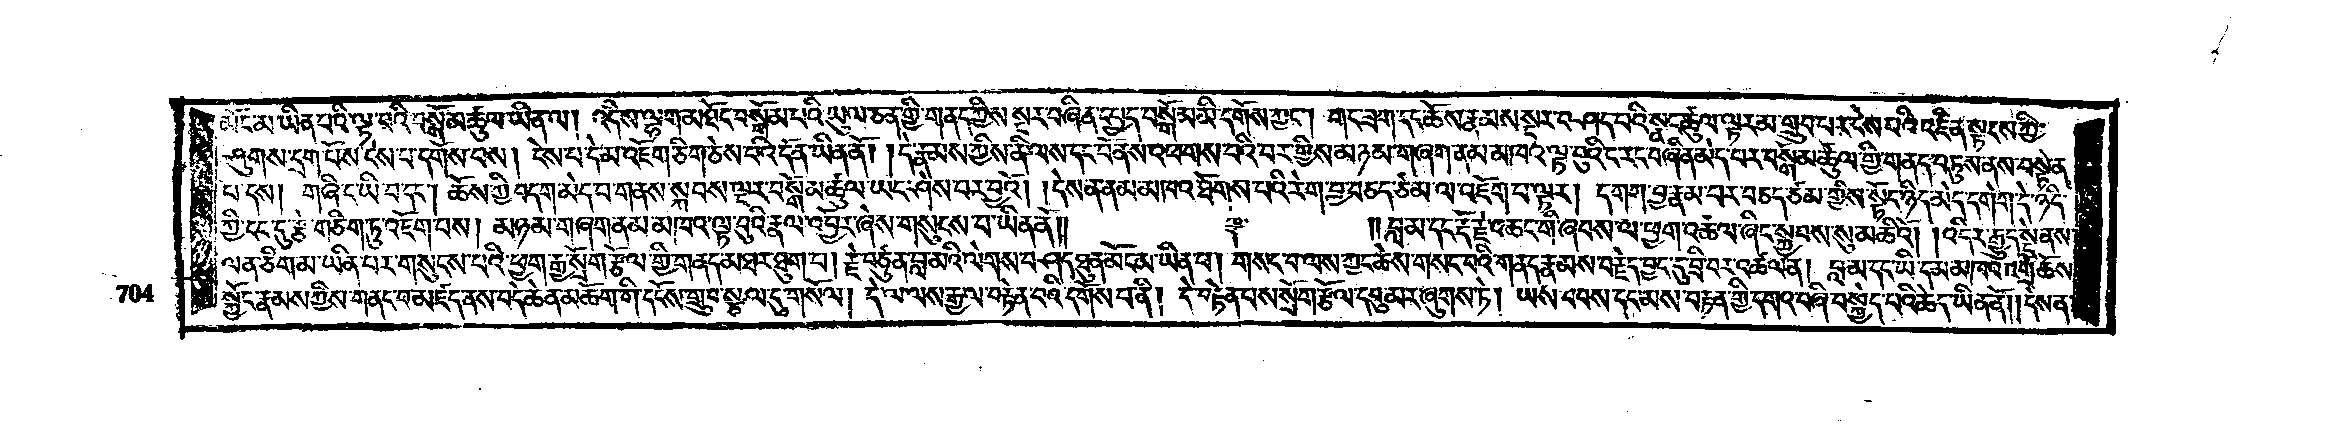མོང་མ་ཡིན་པའི་ལྟ་བའི་བསྒོམ་ཚུལ་ཡིན་ལ། འདིས་ལྷག་མཐོང་བསྒོམ་པའི་ཡུལ་ཅན་གྱི་གནད་ཀྱིས་སྔར་བཞིན་དཔྱད་བསྒོམ་མི་དགོས་ཀྱང་། གང་ཟག་དང་ཆོས་རྣམས་སྔར་བཤད་པའི་སྣང་ཚུལ་ལྟར་མ་གྲུབ་པར་ངེས་པའི་འཛིན་སྟངས་ཀྱི་
ཤུགས་དྲག་པོས་ངེས་པ་དགོས་པས། ངེས་པ་དེ་མ་འཇོག་ཅིག་ཅེས་པའི་དོན་ཡིན་ནོ། །དེ་རྣམས་ཀྱིས་ནི་ལས་དང་པོ་ནས་འཕགས་པའི་བར་གྱིས་མཉམ་གཞག་ནམ་མཁའ་ལྟ་བུའི་ང་རང་བཞིན་མེད་པར་བསྒོམ་ཚུལ་གྱི་གནད་བཏུས་ནས་བསྟན་
པ་དེས། གཞི་ང་ཡི་བ་དང་། ཆོས་ཀྱི་བདག་མེད་པ་གནས་སྐབས་ལྔར་བསྒོམ་ཚུལ་ཡང་ཤེས་པར་བྱའོ། །དེས་ན་ནམ་མཁའ་ཐོགས་པའི་རེག་བྱ་བཅད་ཙམ་ལ་འཇོག་པ་ལྟར། དགག་བྱ་རྣམ་པར་བཅད་ཙམ་གྱིས་སྟོང་ཉིད་མེད་དགག་དེ་ཉིད་
ཀྱི་ངང་དུ་རྩེ་གཅིག་ཏུ་འཇོག་པས། མཉམ་གཞག་ནམ་མཁའ་ལྟ་བུའི་རྣལ་འབྱོར་ཞེས་གསུངས་པ་ཡིན་ནོ།། ༈ །།བླ་མ་དང་རྡོ་རྗེ་འཆང་གི་ཞབས་ལ་ཕྱག་འཚལ་ཞིང་སྐྱབས་སུ་མཆིའོ། །འདིར་རྒྱུད་སྡེ་ནས་
ལན་ཅིག་མ་ཡིན་པར་གསུངས་པའི་ཕྱག་རྒྱ་སྲོག་རྩོལ་གྱི་གནད་མཐར་ཐུག་པ། རྗེ་བཙུན་བླ་མའི་ལེགས་བཤད་ཐུན་མོང་མ་ཡིན་པ། གསང་བ་ལས་ཀྱང་ཆེས་གསང་བའི་གནད་རྣམས་བརྗེད་བྱང་དུ་བྲི་བར་འཚལ་ན། བླ་མ་དང་ཡི་དམ་མཁའ་འགྲོ་ཆོས་
སྐྱོང་རྣམས་ཀྱིས་གནང་བ་མཛད་ནས་བདེ་ཆེན་མཆོག་གི་དངོས་གྲུབ་སྩལ་དུ་གསོལ། དེ་ལ་ལས་རྒྱ་ལ་བརྟེན་པའི་དགོས་པ་ནི། དེ་བརྟེན་པས་སྲོག་རྩོལ་དབུ་མར་ཞུགས་ཏེ། ཡས་བབས་དང་མས་བརྟན་གྱི་དགའ་བཞི་བསྐྱེད་པའི་ཆེད་ཡིན་ནོ། །དེས་ན་